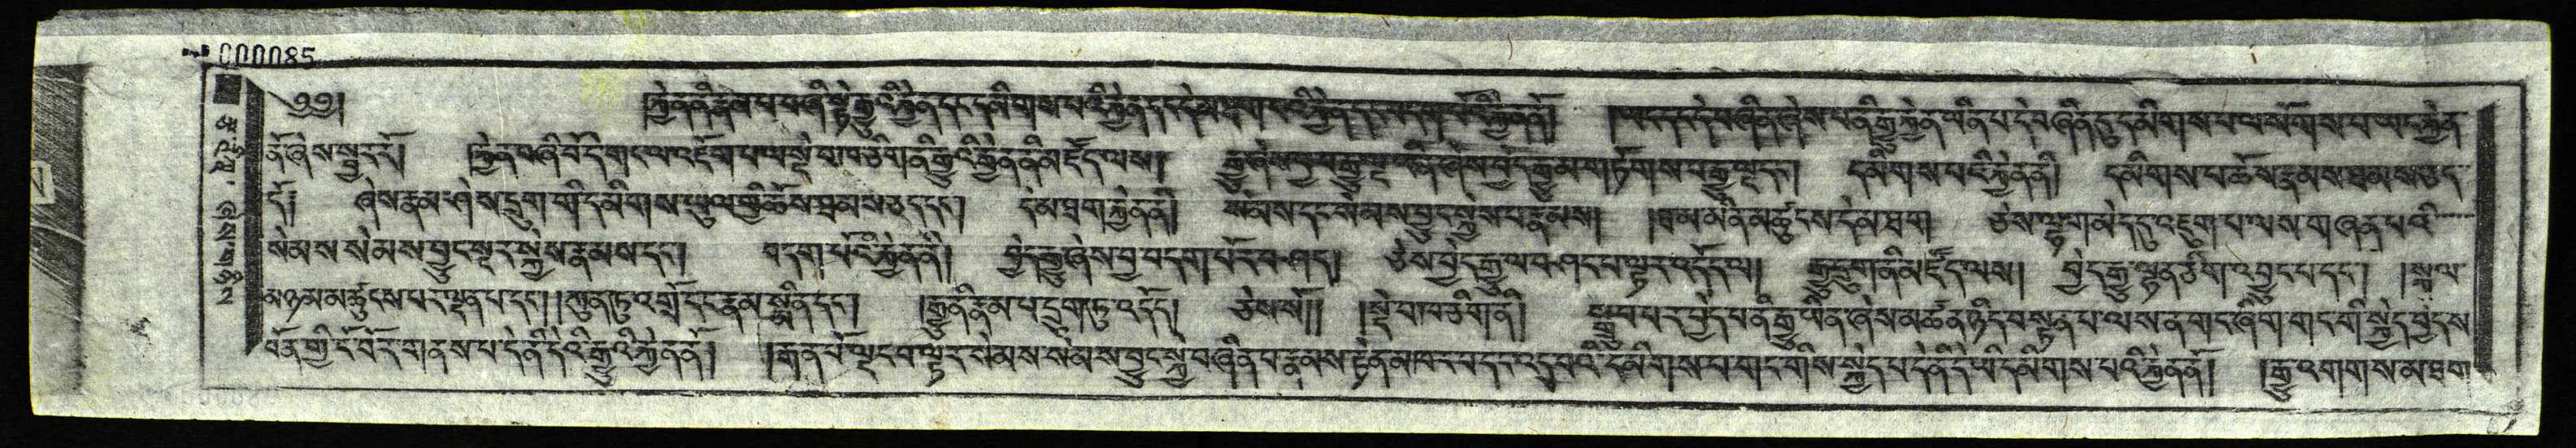༄༅། །རྐྱེན་ནི་རྣམ་པ་བཞི་སྟེ་རྒྱུའི་རྐྱེན་དང་དམིགས་པའི་རྐྱེན་དང་དེ་མ་ཐག་པའི་རྐྱེན་དང་བདག་པོའི་རྐྱེན་ནོ། །ཡང་དང་དེ་བཞིན་ཞེས་པ་ནི་རྒྱུ་རྐྱེན་ཡིན་པ་དེ་བཞིན་དུ་དམིགས་པ་ལ་སོགས་པ་ཡང་རྐྱེན་
ནོ་ཞེས་སྦྱར་རོ། །རྐྱེན་བཞི་པོ་དེ་གང་ལ་འཇོག་པ་ལ་སྡེ་བ་ཁ་ཅིག་ནི་རྒྱུའི་རྐྱེན་ནི་མཛོད་ལས། རྒྱུ་ཞེས་བྱ་བ་རྒྱུ་ལྔ་ཡིན་ཞེས་བྱེད་རྒྱུ་མ་གཏོགས་པ་རྒྱུ་ལྔ་དང་། དམིགས་པའི་རྐྱེན་ནི། དམིགས་པ་ཆོས་རྣམས་ཐམས་ཅད་
དོ༑ ཞེས་རྣམ་ཤེས་དྲུག་གི་དམིགས་ཡུལ་གྱི་ཆོས་ཐམས་ཅད་དང་། དེ་མ་ཐག་རྐྱེན་ནི། སེམས་དང་སེམས་བྱུང་སྐྱེས་པ་རྣམས། །ཐ་མ་མིན་མཚུངས་དེ་མ་ཐབ། ཅེས་ལྷག་མེད་དུ་འཇུག་པ་ལས་གཞན་པའི་
སེམས་སེམས་བྱུང་སྔར་སྐྱེས་རྣམས་དང་། བདག་པོའི་རྐྱེན་ནི། བྱེད་རྒྱུ་ཞེས་བྱ་བདག་པོར་བཤད། ཅེས་བྱེད་རྒྱུ་ལ་བཤད་པ་ལྟར་འདོད་ལ། རྒྱུ་དྲུག་ནི་མཛོད་ལས། བྱེད་རྒྱུ་ལྷན་ཅིག་འབྱུང་པ་དང་། སྐལ་
མཉམ་མཚུངས་པར་ལྡན་པ་དང་། །ཀུན་ཏུ་འགྲོ་དང་རྣམ་སྨིན་དང་། །རྒྱུ་ནི་རྣམ་པ་དྲུག་ཏུ་འདོད། ཅེས་སོ། །སྡེ་པ་ཁ་ཅིག་ནི། སྒྲུབ་པར་བྱེད་པ་ནི་རྒྱུ་ཡིན་ཞེས་མཚན་ཉིད་བསྟན་པ་ལས་ན་གང་ཞིག་གང་གི་སྐྱེད་བྱེད་ས་
བོན་གྱི་ངོ་བོར་གནས་པ་དེ་ནི་དེའི་རྒྱུའི་རྐྱེན་ནོ། །རྒན་པོ་ལྡང་བ་ལྟར་སེམས་སེམས་བྱུང་སྐྱེ་བཞིན་པ་རྣམས་རྟེན་མཁར་པ་དང་འདྲ་བའི་དམིགས་པ་གང་གིས་སྐྱེད་བ་དེ་ནི་དེ་ཡི་དམིགས་པའི་རྐྱེན་ནོ། །རྒྱུ་འགགས་མ་ཐག་